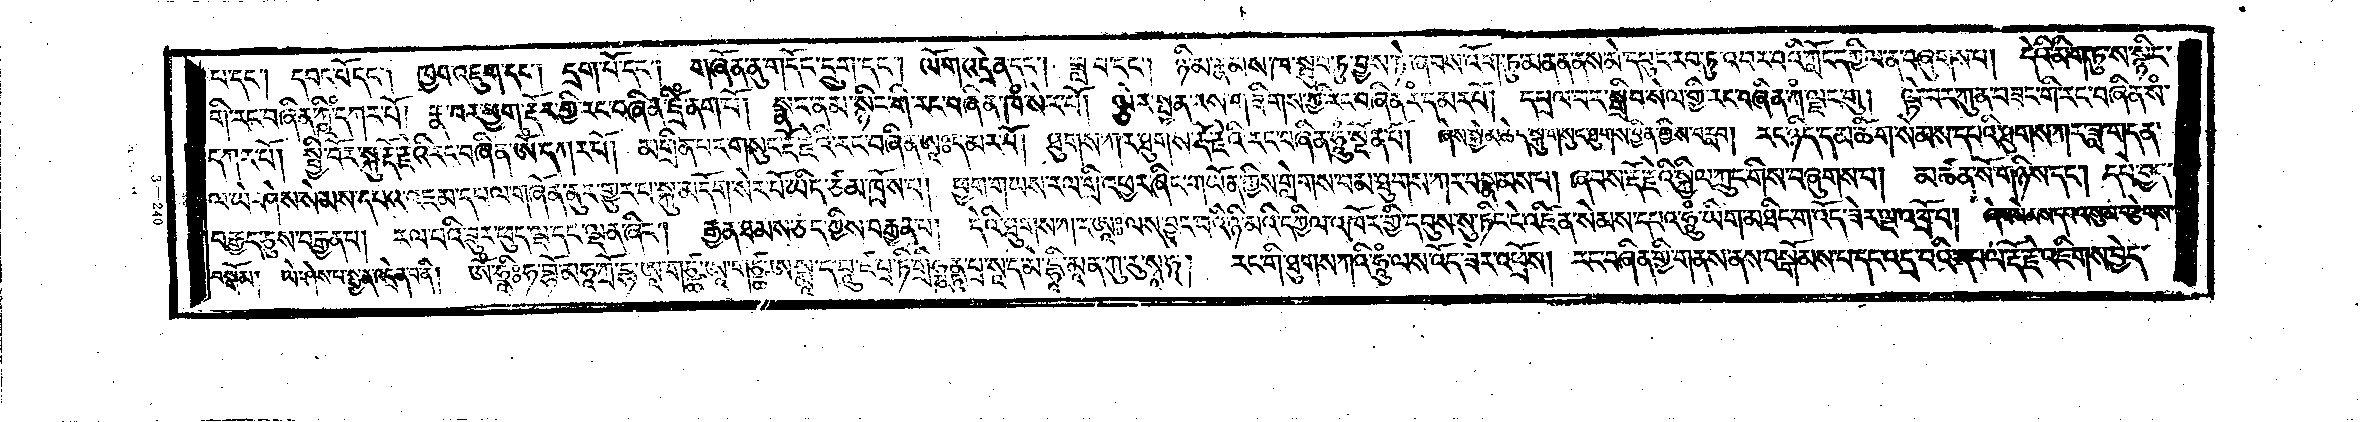པ་དང་། དབང་པོ་དང་། ཁྱབ་འཇུག་དང་། དྲག་པོ་དང་། གཞོན་ནུ་གདོང་དྲུག་དང་། ལོག་འདྲེན་དང་། ཟླ་བ་དང་། ཉི་མ་རྣམས་ཁ་སྦུབ་ཏུ་བྱས་ཏེ་ཞབས་འོག་ཏུ་མནན་ནས་མེ་དཔུང་རབ་ཏུ་འབར་བའི་ཀློང་དཀྱིལ་ན་བཞུགས་པ། དེའི་མིག་ཏུ་ས་སྙིང་
གི་རང་བཞིན་ཀྵིཾ་དཀར་པོ། རྣ་བར་ཕྱག་རྡོར་གྱི་རང་བཞིན་ཛྲིཾ་ནག་པོ། སྣར་ནམ་སྙིང་གི་རང་བཞིན་ཁཾ་སེར་པོ། ལྕེར་སྤྱན་རས་གཟིགས་ཀྱི་རང་བཞིན་རཾ་དམར་པོ། དཔྲལ་པར་སྒྲིབ་སེལ་གྱི་རང་བཞིན་ཀཾ་ལྗང་གུ། ལྟེ་བར་ཀུན་བཟང་གི་རང་བཞིན་སཾ་
དཀར་པོ། སྤྱི་པོར་སྐུ་རྡོ་རྗེའི་རང་བཞིན་ཨོཾ་དཀར་པོ། མགྲིན་པར་གསུང་རྡོ་རྗེའི་རང་བཞིན་ཨཱཿ དམར་པོ། ཐུགས་ཀར་ཐུགས་རྡོ་རྗེའི་རང་བཞིན་ཧཱུཾ་སྔོན་པོ། ཞེས་སྐྱེ་མཆེད་སྐུ་གསུང་ཐུགས་བྱིན་གྱིས་བརླབ།  རང་ཉིད་དམ་ཚིག་སེམས་དཔའི་ཐུགས་ཀར་ཟླ་གདན་
ལ་ཡེ་ཤེས་སེམས་དཔའ་འཇམ་དཔལ་གཞོན་ནུར་གྱུར་པ་སྐུ་མདོག་སེར་པོ་ཡིད་ཙམ་ཁྲོས་པ། ཕྱག་གཡས་རལ་གྲི་འཕྱར་ཞིང་གཡོན་གྱིས་གླེགས་བམ་ཐུགས་ཀར་བསྣམས་པ། ཞབས་རྡོ་རྗེའི་སྐྱིལ་ཀྲུང་གིས་བཞུགས་བ། མཚན་སོ་གཉིས་དང་། དཔེ་བྱད་
བརྒྱད་ཅུས་བརྒྱན་པ། རལ་བའི་ཟུར་ཕུད་ལྔ་དང་ལྡན་ཞིང་། རྒྱན་ཐམས་ཅད་ཀྱིས་བརྒྱན་པ། དེའི་ཐུགས་ཀར་ཨཱཿལས་བྱུང་བའི་ཉི་མའི་དཀྱིལ་འཁོར་གྱི་དབུས་སུ་ཏིང་ངེ་འཛིན་སེམས་དཔའ་ཧཱུཾ་ཡིག་མཐིང་ག་འོད་ཟེར་ལྔ་འཕྲོ་བ། ཞེས་སེམས་དཔའ་སུམ་བརྩེགས་
བསྒོམ། ཡེ་ཤེས་པ་སྤྱན་འདྲེན་པ་ནི། ཨོཾ་ཧྲཱིཿ ཧ་བྷོ་མཧཱ་ཀྲོ་དྷ་ཨཱ་གཙྪ་ཨསྨཱ་ད་པཱུ་ཛ་པྲ་ཏི་གྲིཧྞནྟུ་པྲ་སཱ་ད་མེ་དྷཱི་མཱན་ཀུ་རུ་སྭཱཧཱ། རང་གི་ཐུགས་ཀའི་ཧཱུཾ་ལས་འོད་ཟེར་འཕྲོས། རང་བཞིན་གྱི་གནས་ནས་བསྒོམས་པ་དང་འདྲ་བའི་དཔལ་རྡོ་རྗེ་འཇིགས་བྱེད་